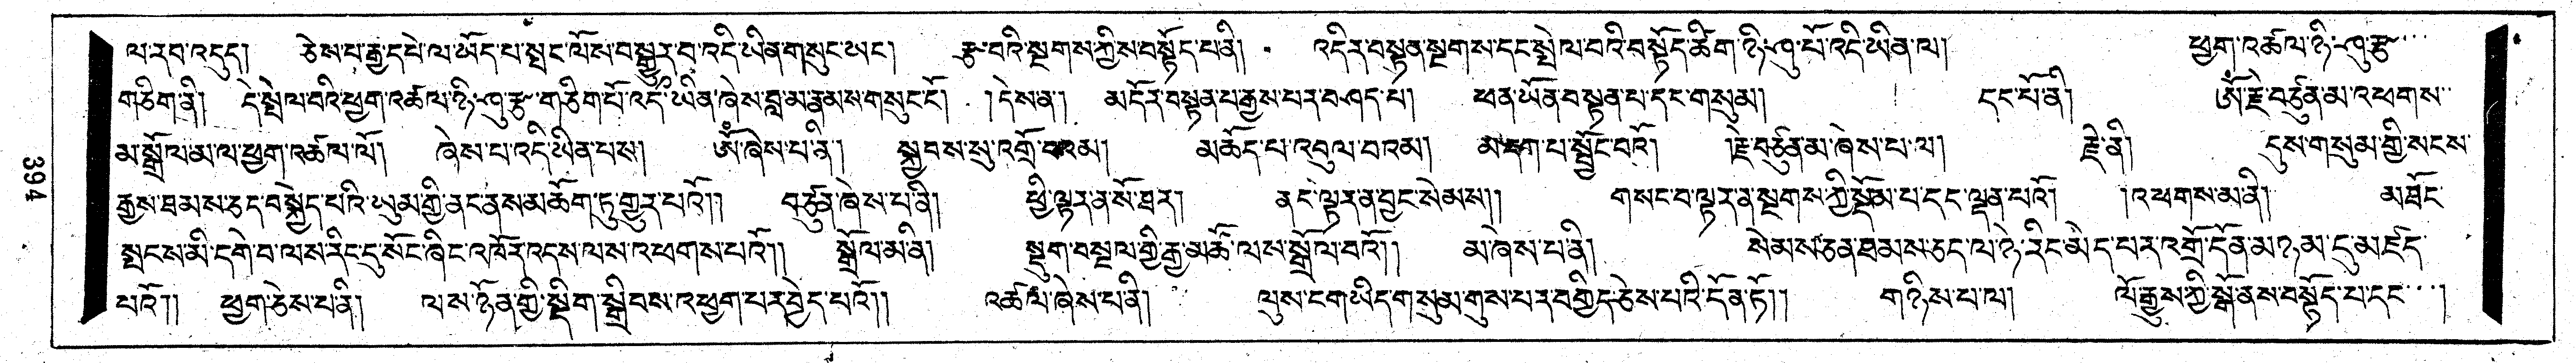ལ་རབ་འདུད། ཅེས་པ་རྒྱ་དཔེ་ལ་ཡོད་པ་སྤང་ལོས་བསྒྱུར་བ་འདི་ཡིན་གསུང་ཡང་། རྩ་བའི་སྔགས་ཀྱིས་བསྟོད་པ་ནི། འདིར་བསྟན་སྔགས་དང་སྤེལ་བའི་བསྟོད་ཚིག་ཉི་ཤུ་པོ་འདི་ཡིན་ལ། ཕྱག་འཚལ་ཉི་ཤུ་རྩ་
གཅིག་ནི། དེ་སྤེལ་བའི་ཕྱག་འཚལ་ཉི་ཤུ་རྩ་གཅིག་པོ་འདྀ་ཡིན་ཞེས་བླ་མ་རྣམས་གསུང་ངོ། །དེས་ན། མདོར་བསྟན་པ་རྒྱས་པར་བཤད་པ། ཕན་ཡོན་བསྟན་པ་དང་གསུམ། དང་པོ་ནི། ཨོཾ་རྗེ་བཙུན་མ་འཕགས་
མ་སྒྲོལ་མ་ལ་ཕྱག་འཚལ་ལོ། ཞེས་པ་འདི་ཡིན་པས། ཨོཾ་ཞེས་པ་ནི། སྐྱབས་སུ་འགྲོ་བའམ། མཆོད་པ་འབུལ་བའམ། མ་དག་པ་སྦྱོང་བའོ། །རྗེ་བཙུན་མ་ཞེས་པ་ལ། རྗེ་ནི། དུས་གསུམ་གྱི་སངས་
རྒྱས་ཐམས་ཅད་བསྐྱེད་པའི་ཡུམ་གྱི་ནང་ནས་མཆོག་ཏུ་གྱུར་པའོ།། བཙུན་ཞེས་པ་ནི། ཕྱི་ལྟར་ན་སོ་ཐར། ནང་ལྟར་ན་བྱང་སེམས།། གསང་བ་ལྟར་ན་སྔགས་ཀྱི་སྡོམ་པ་དང་ལྡན་པའོ། །འཕགས་མ་ནི། མཐོང་
སྤངས་མི་དགེ་བ་ལས་རིང་དུ་སོང་ཞིང་འཁོར་འདས་ལས་འཕགས་པའོ།། སྒྲོལ་མ་ནི། སྡུག་བསྔལ་གྱི་རྒྱ་མཚོ་ལས་སྒྲོལ་བའོ།། མ་ཞེས་པ་ནི། སེམས་ཅན་ཐམས་ཅད་ལ་ཉེ་རིང་མེད་པར་འགྲོ་དོན་མཉམ་དུ་མཛད་
པའོ།། ཕྱག་ཅེས་པ་ནི། ལས་ཉོན་གྱི་སྡིག་སྒྲིབས་འཕྱག་པར་བྱེད་པའོ།། འཚལ་ཞེས་པ་ནི། ལུས་ངག་ཡིད་གསུམ་གུས་པར་བགྱིད་ཅེས་པའི་དོན་ཏོ།། གཉིས་པ་ལ། ལོ་རྒྱུས་ཀྱི་སྒོ་ནས་བསྟོད་པ་དང་།